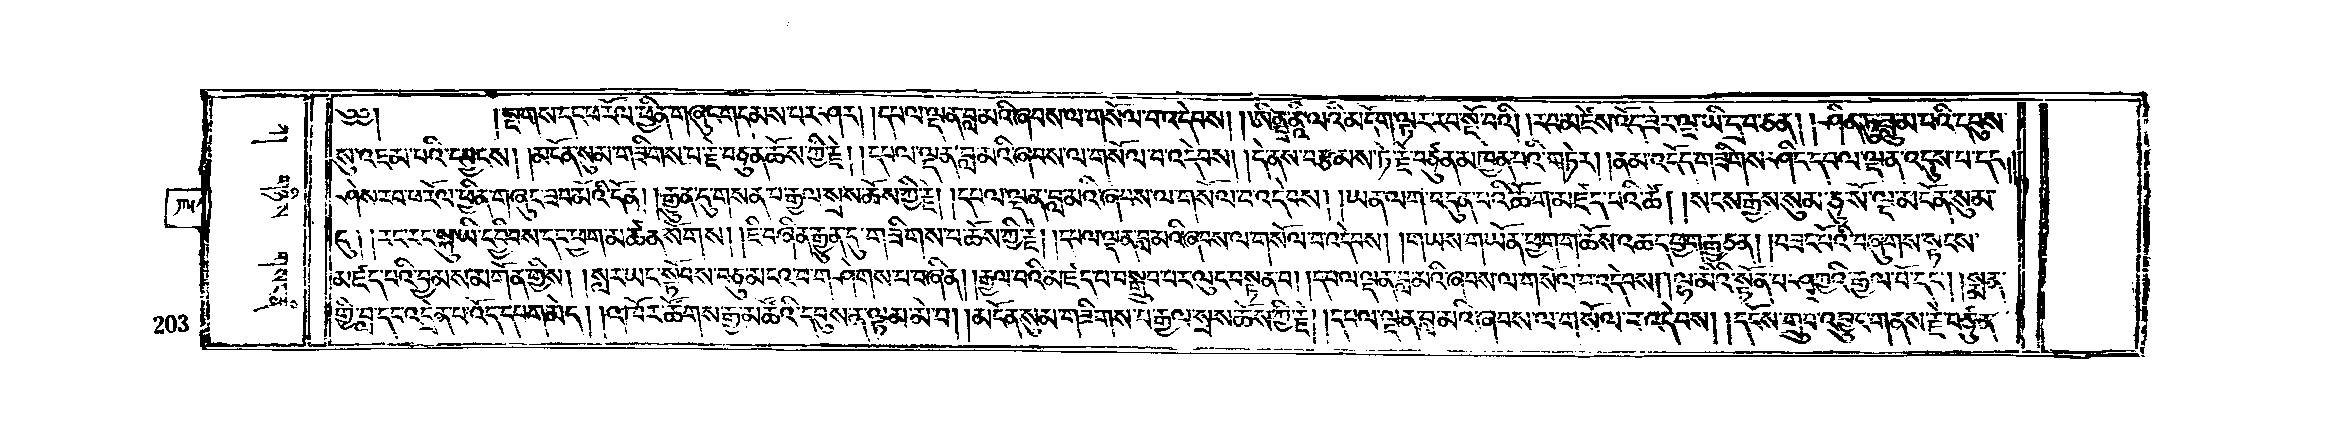༄༅། །སྔགས་དང་ཕ་རོལ་ཕྱིན་གཞུང་གདམས་པར་བཤར། །དཔལ་ལྡན་བླ་མའི་ཞབས་ལ་གསོལ་བ་འདེབས། །ཨིནྡྲ་ནཱི་ལའི་མདོག་ལྟར་རབ་སྔོ་བའི། །རབ་མཛེས་འོད་ཟེར་ལྔ་ཡི་དྲ་བ་ཅན། །ཤིན་ཏུ་ཟླུ་མ་པའི་དབུས་
སུ་འཇམ་པའི་དབྱངས། །མངོན་སུམ་གཟིགས་པ་རྗེ་བཙུན་ཆོས་ཀྱི་རྗེ། །དཔལ་ལྡན་བླ་མའི་ཞབས་ལ་གསོལ་བ་འདེབས། །དེ་ནས་བརྩམས་ཏེ་རྗེ་བཙུན་མཁྱེན་པའི་གཏེར། །ནམ་འདོད་གཟིགས་ཤིང་དཔལ་ལྡན་འདུས་པ་དང།།
ཤེས་རབ་ཕ་རོལ་ཕྱིན་གཞུང་ཟབ་མོའི་དོན། །རྒྱུན་དུ་གསན་པ་རྒྱལ་སྲས་ཆོས་ཀྱི་རྗེ། །དཔལ་ལྡན་བླ་མའི་ཞབས་ལ་གསོལ་བ་འདེབས། །ཡན་ལག་བདུན་པའི་ཆོ་ག་མཛད་པའི་ཚེ། །སངས་རྒྱས་སུམ་ཅུ་སོ་ལྔ་མངོན་སུམ་
དུ། །རང་རང་སྐུ་ཡི་དབྱིབས་དང་ཕྱག་མཚན་སོགས། །ཇི་བཞིན་རྒྱུན་དུ་གཟིགས་པ་ཆོས་ཀྱི་རྗེ། །དཔལ་ལྡན་བླ་མའི་ཞབས་ལ་གསོལ་བ་འདེབས། །གཡས་གཡོན་ཕྱག་ག་ཆོས་འཆད་ཕྱག་རྒྱ་ཅན། །བཟང་པོའི་བཞུགས་སྟངས་
མཛད་པའི་བྱམས་མགོན་གྱིས། །སླར་ཡང་སྟོབས་བཅུ་མངའ་བ་གཤེགས་པ་བཞིན། །རྒྱལ་བའི་མཛད་པ་བསྒྲུབ་པར་ལུང་བསྟན་པ། །དཔལ་ལྡན་བླ་མའི་ཞབས་ལ་གསོལ་བ་འདེབས། །ལྷ་མིའི་སྟོན་པ་ཤཱཀྱའི་རྒྱལ་པོ་དང་། །སྨན་
གྱི་བླ་དང་འདྲེན་པ་འོད་དཔག་མེད། །འཁོར་ཚོགས་རྒྱ་མཚོའི་དབུས་ན་ལྟམ་མེ་བ། །མངོན་སུམ་གཟིགས་པ་རྒྱལ་སྲས་ཆོས་ཀྱི་རྗེ། །དཔལ་ལྡན་བླ་མའི་ཞབས་ལ་གསོལ་བ་འདེབས། །དངོས་གྲུབ་འབྱུང་གནས་རྗེ་བཙུན་